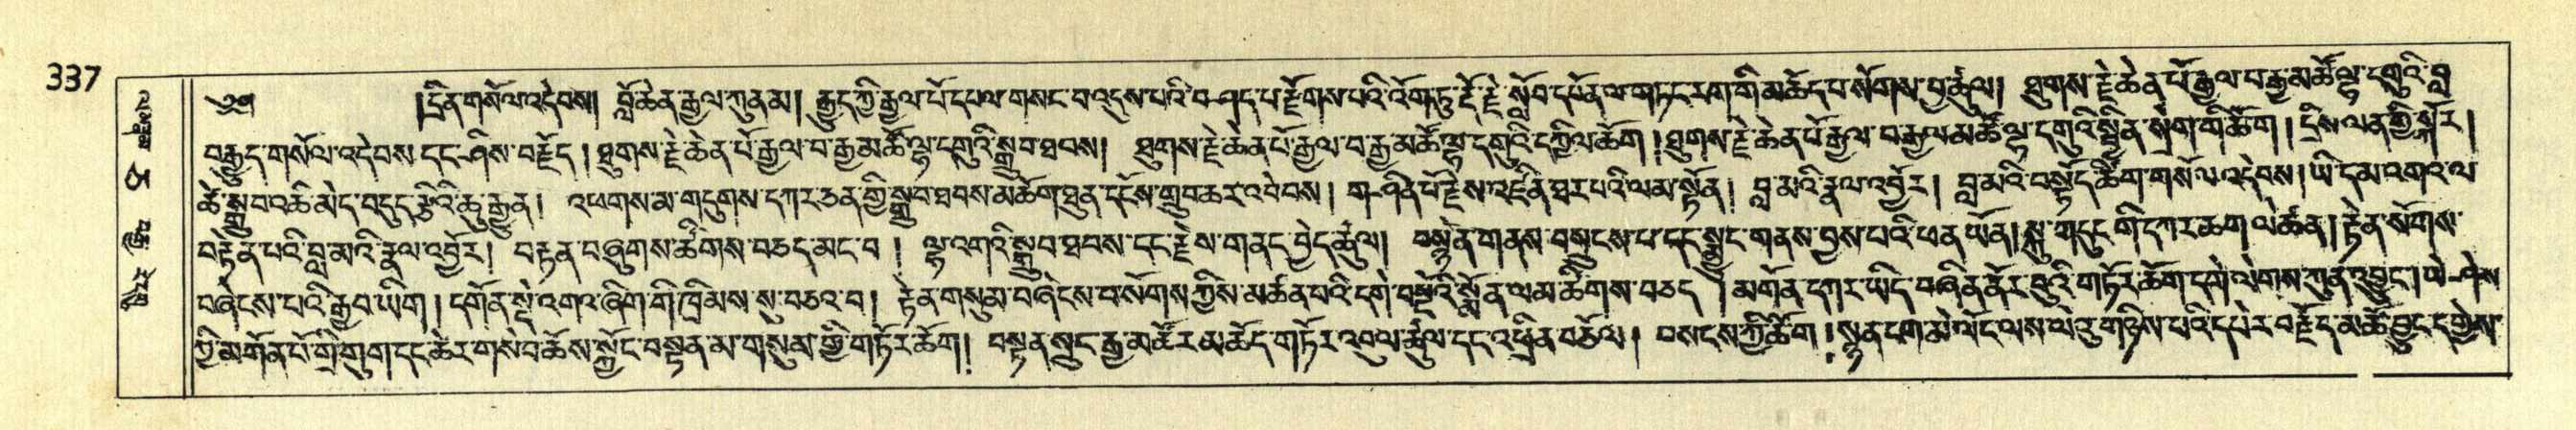༄༅། །དྲིན་གསོལ་འདེབས། བློ་ཆེན་རྒྱལ་ཀུན་མ། རྒྱུད་ཀྱི་རྒྱལ་པོ་དཔལ་གསང་བ་འདུས་པའི་བཤད་པ་རྫོགས་པའི་འོག་ཏུ་རྡོ་རྗེ་སློབ་དཔོན་ལ་གཏང་རག་གི་མཆོད་པ་སོགས་བྱ་ཚུལ། ཐུགས་རྗེ་ཆེན་པོ་རྒྱལ་པ་རྒྱ་མཚོ་ལྷ་དགུའི་བླ་
བརྒྱུད་གསོལ་འདེབས་དང་ཤིས་བརྗོད། ཐུགས་རྗེ་ཆེན་པོ་རྒྱལ་བ་རྒྱ་མཚོ་ལྷ་དགུའི་སྒྲུབ་ཐབས། ཐུགས་རྗེ་ཆེན་པོ་རྒྱལ་བ་རྒྱ་མཚོ་ལྷ་དགུའི་དཀྱིལ་ཆོག །ཐུགས་རྗེ་ཆེན་པོ་རྒྱལ་བ་རྒྱལ་མཚོ་ལྷ་དགུའི་སྦྱིན་སྲེག་གི་ཆོ་ག། དྲིས་ལན་གྱི་སྐོར།
ཚེ་སྒྲུབ་འཆི་མེད་བདུད་རྩིའི་ཆུ་རྒྱུན། འཕགས་མ་གདུགས་དཀར་ཅན་གྱི་སྒྲུབ་ཐབས་མཆོག་ཐུན་དངོས་གྲུབ་ཆར་འབེབས། གཤིན་པོ་རྗེས་འཛིན་ཐར་པའི་ལམ་སྟོན། བླ་མའི་རྣལ་འབྱོར། བླ་མའི་བསྟོད་ཚིག་གསོལ་འདེབས། ཡི་དམ་འགའ་ལ་
བརྟེན་པའི་བླ་མའི་རྣལ་འབྱོར། བརྟན་བཞུགས་ཚིགས་བཅད་མང་བ། ལྷ་འགའི་སྒྲུབ་ཐབས་དང་རྗེས་གནང་བྱེད་ཚུལ། བསྙེན་གནས་བསྲུངས་པ་དང་སྨྱུང་གནས་བྱས་པའི་ཕན་ཡོན། སྐུ་གདུང་གི་དཀར་ཆག་ལེ་ཚན། རྟེན་སོགས་
བཞེངས་པའི་རྒྱབ་ཡིག །དགོན་སྡེ་འགའ་ཞིག་གི་ཁྲིམས་སུ་བཅའ་བ། རྟེན་གསུམ་བཞེངས་པ་སོགས་ཀྱིས་མཚན་པའི་དགེ་བསྔོའི་སྨོན་ལམ་ཚིགས་བཅད། མགོན་དཀར་ཡིད་བཞིན་ནོར་བུའི་གཏོར་ཆོག་དགེ་ལེགས་ཀུན་འབྱུང་། ཡེ་ཤེས་
ཀྱི་མགོན་པོ་གྲི་གུག་དང་ཆེར་གསེབ་ཆོས་སྐྱོང་བསྟན་མ་གསུམ་གྱི་གཏོར་ཆོ་ག། བསྟན་སྲུང་རྒྱ་མཚོར་མཆོད་གཏོར་འབུལ་ཚུལ་དང་འཕྲིན་བཅོལ། བསངས་ཀྱི་ཆོ་ག། སྙན་ངག་མེ་ལོང་ལས་ལེའུ་གཉིས་པའི་དཔེར་བརྗོད་མཚོ་བྱུང་དགྱེས་